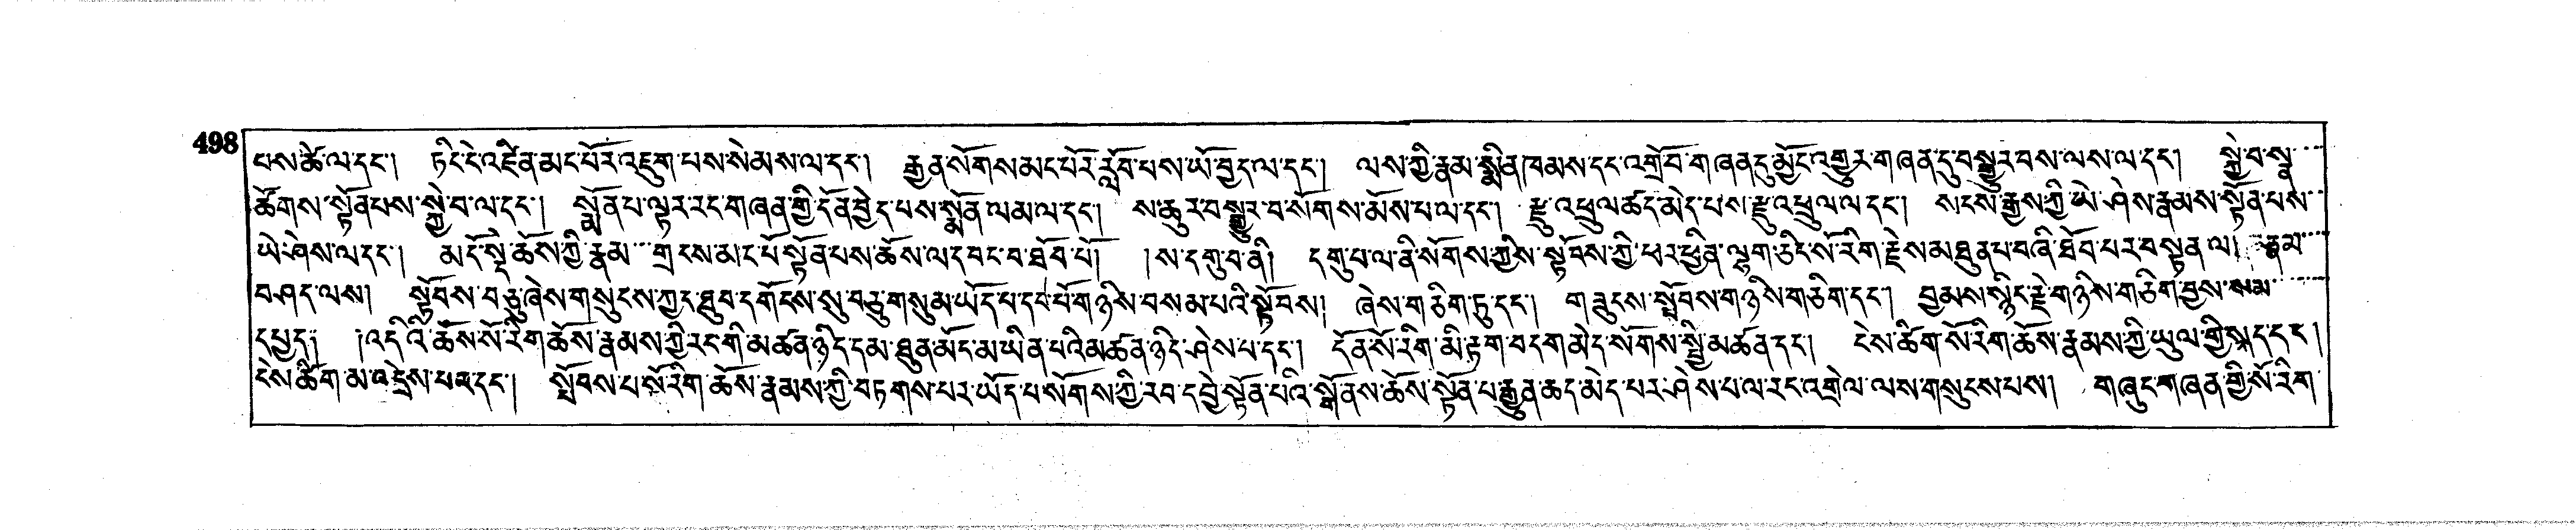པས་ཚེ་ལ་དང་། ཏིང་ངེ་འཛིན་མང་པོར་འཇུག་པས་སེམས་ལ་དང་། རྒྱན་སོགས་མང་པོར་རློབ་པས་ཡོ་བྱད་ལ་དང་། ལས་ཀྱི་རྣམ་སྨིན་ཁམས་དང་འགྲོ་བ་གཞན་དུ་མྱོང་འགྱུར་གཞན་དུ་བསྒྱུར་བས་ལས་ལ་དང་། སྐྱེ་བ་སྣ་
ཚོགས་སྟོན་པས་སྐྱེ་བ་ལ་དང་། སྨོན་པ་ལྟར་རང་གཞན་གྱི་དོན་བྱེད་པས་སྨོན་ལམ་ལ་དང་། ས་ཆུར་བསྒྱུར་བ་སོགས་མོས་པ་ལ་དང་། རྫུ་འཕྲུལ་ཚད་མེད་པས་རྫུ་འཕྲུལ་ལ་དང་། སངས་རྒྱས་ཀྱི་ཡེ་ཤེས་རྣམས་སྟོན་པས་
ཡེ་ཤེས་ལ་དང་། མདོ་སྡེ་ཆོས་ཀྱི་རྣམ་གྲངས་མང་པོ་སྟོན་པས་ཆོས་ལ་དབང་བ་ཐོབ་པོ། །ས་དགུ་བ་ནི། དགུ་པ་ལ་ནི་སོགས་ཀྱིས་སྟོབས་ཀྱི་ཕར་ཕྱིན་ལྷག་ཅིང་སོ་རིག་རྗེས་མཐུན་པ་བཞི་ཐོབ་པར་བསྟན་ལ། རྣམ་
བཤད་ལས། སྟོབས་བཅུ་ཞེས་གསུངས་ཀྱང་ཐུབ་དགོངས་སུ་བཅུ་གསུམ་ཡོད་པ་དང་པོ་གཉིས་བསམ་པའི་སྟོབས། ཞེས་གཅིག་ཏུ་དང་། གཟུངས་སྤོབས་གཉིས་གཅིག་དང་། བྱམས་སྙིང་རྗེ་གཉིས་གཅིག་བྱས་སམ་
དཔྱད། །འདིའི་ཆོས་སོ་རིག་ཆོས་རྣམས་ཀྱི་རང་གི་མཚན་ཉིད་དམ་ཐུན་མོང་མ་ཡིན་པའི་མཚན་ཉིད་ཤེས་པ་དང་། དོན་སོ་རིག་མི་རྟག་བདག་མེད་སོགས་སྤྱི་མཚན་དང་། ངེས་ཚིག་སོ་རིག་ཆོས་རྣམས་ཀྱི་ཡུལ་གྱི་སྐད་དང་།
ངེས་ཚིག་མ་འདྲེས་པར་དང་། སྤོབས་པ་སྒོ་རིག་ཆོས་རྣམས་ཀྱི་བཏགས་པར་ཡོད་པ་སོགས་ཀྱི་རབ་དབྱེ་སྟོན་པའི་སྒོ་ནས་ཆོས་སྟོན་པ་རྒྱུན་ཆད་མེད་པར་ཤེས་པ་ལ་རང་འགྲེལ་ལས་གསུངས་པས། གཞུང་གཞན་གྱི་སོ་རིག་